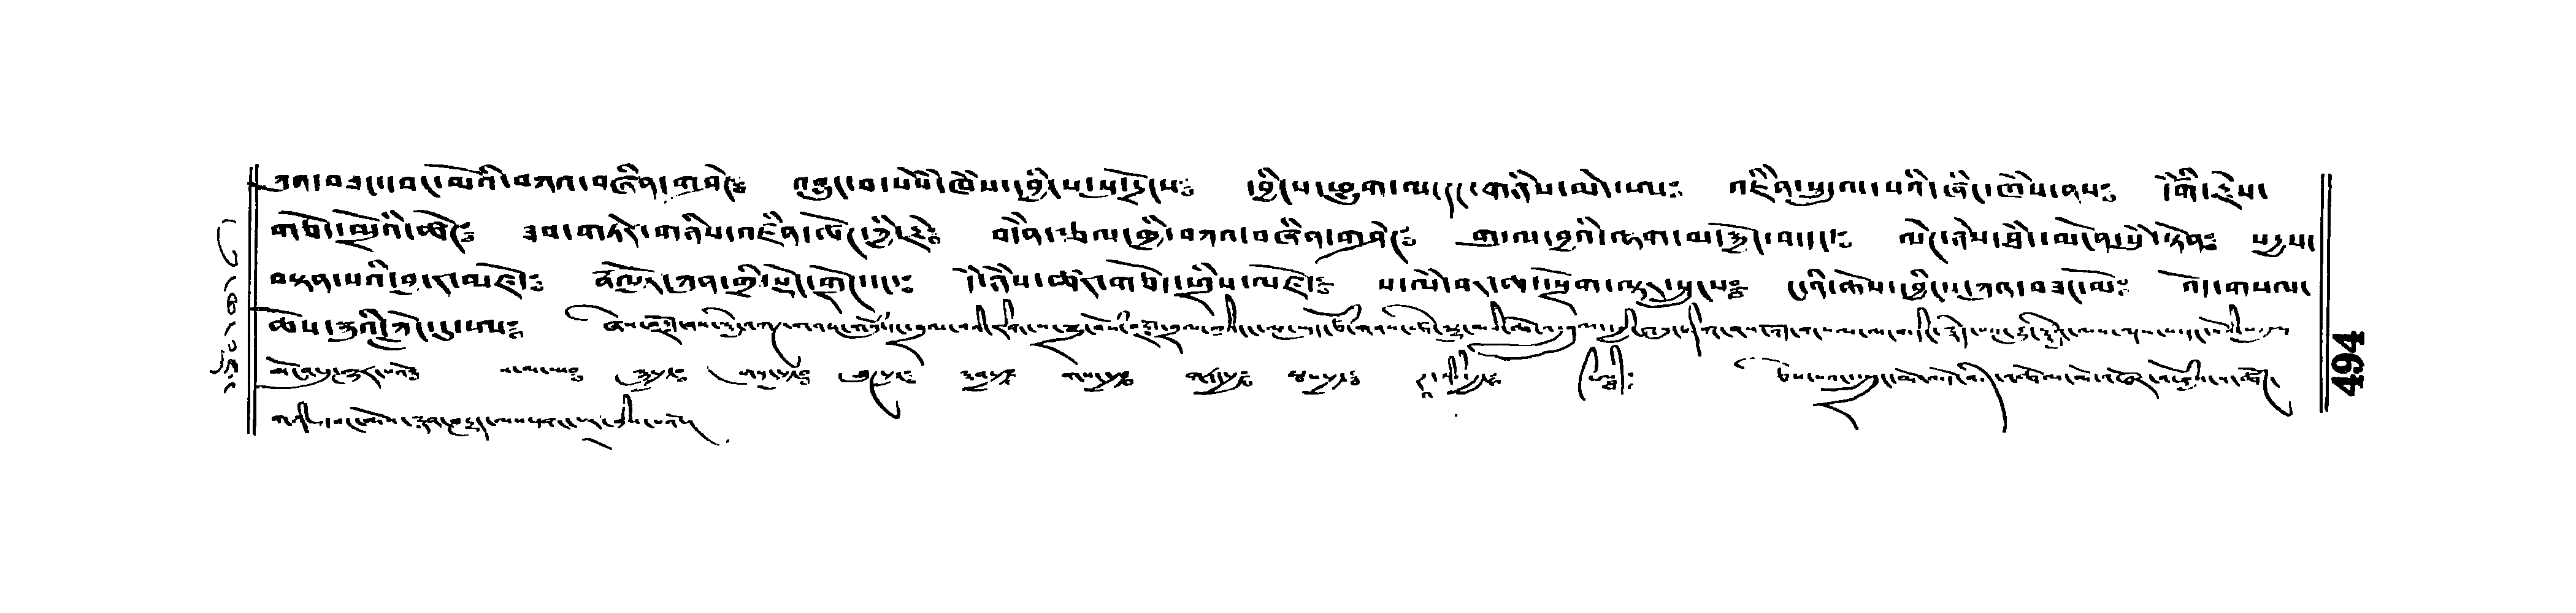ཀུན་བཟང་དབང་མོའི་བཀའ་བཞིན་གཤེགས༔ འབྱུང་བ་སེམས་ཁམས་དབྱིངས་སུ་དྲོངས༔ དབྱིངས་ཕྱུག་མ་དང་གཉིས་མེད་ཨཱཿ འཇིག་རྟེན་སྤྲུལ་པའི་ཞིང་ཁམས་ནས༔ དམ་ཚིག་རྗེས་
གཅོད་མཁའ་འགྲོའི་ཚོགས༔ ཟབ་གཏེར་གཉིས་འཛིན་ཚོགས་ཀྱི་རྗེ༔ བདེ་ཆེན་རྩལ་གྱི་བཀའ་བཞིན་གཤེགས༔ གདུལ་བྱའི་ལྷག་མ་སྐྱོང་བ་དང༔ ལེགས་ཉེས་ཐམས་ཅད་མངོན་སུམ་སྟོན༔ སངས་རྒྱས་
བསྟན་པའི་བྱ་ར་མཛོད༔ རྣལ་འབྱོར་ཀུན་གྱི་སྡོང་གྲོགས་དང༔ དམ་ཉམས་ཚར་གཅོད་ཕྲིན་ལས་མཛོད༔ ས་ལམ་བར་ཆད་སྲོག་ལྟར་སྲུངས༔ ང་ནི་ཆོས་དབྱིངས་ཀུན་བཟང་མོ༔ འོད་གསལ་
ཆོས་སྐུའི་ཀློང་དུ་ཨཱཿ ཞེས་བརྗོད་ནས་སྐྱེ་འགག་གནས་གསུམ་དང་བྲལ་བའི་རིག་པ་སྨྲ་བསམ་བརྗོད་བྲལ་གྱི་ངང་ལ་ཡུད་ཙམ་གནས་ཚེ་སྒྱུ་མའི་ཆོ་འཕྲུལ་དབྱིངས་སུ་ཞིག་ནས་འོད་གསལ་ལ་གདིང་རྙེད་པས་རྒྱུ་རྐྱེན་ལས་འདས་པ་དང་པོའི་སངས་རྒྱས་
མངོན་དུ་གྱུར་པའོ༔ ས་མ་ཡ༔ སྐུ་རྒྱ༔ གསུང་རྒྱ༔ཐུགས་རྒྱ༔ ཟབ་རྒྱ༔ གསང་རྒྱ༔ གཏད་རྒྱ༔ སྦས་རྒྱ༔ ཌཱ་ཀིའི་རྒྱ༔ ༔ ཅེས་པའང་སྤྲང་མོ་མདོ་མེད་འཆོལ་མོ་འཁོར་འཁྱམས་པ་ཚོགས་
གཉིས་དབང་མོས་སྙན་བརྒྱུད་ལས་དག་པར་བྲིས་པའོ།།